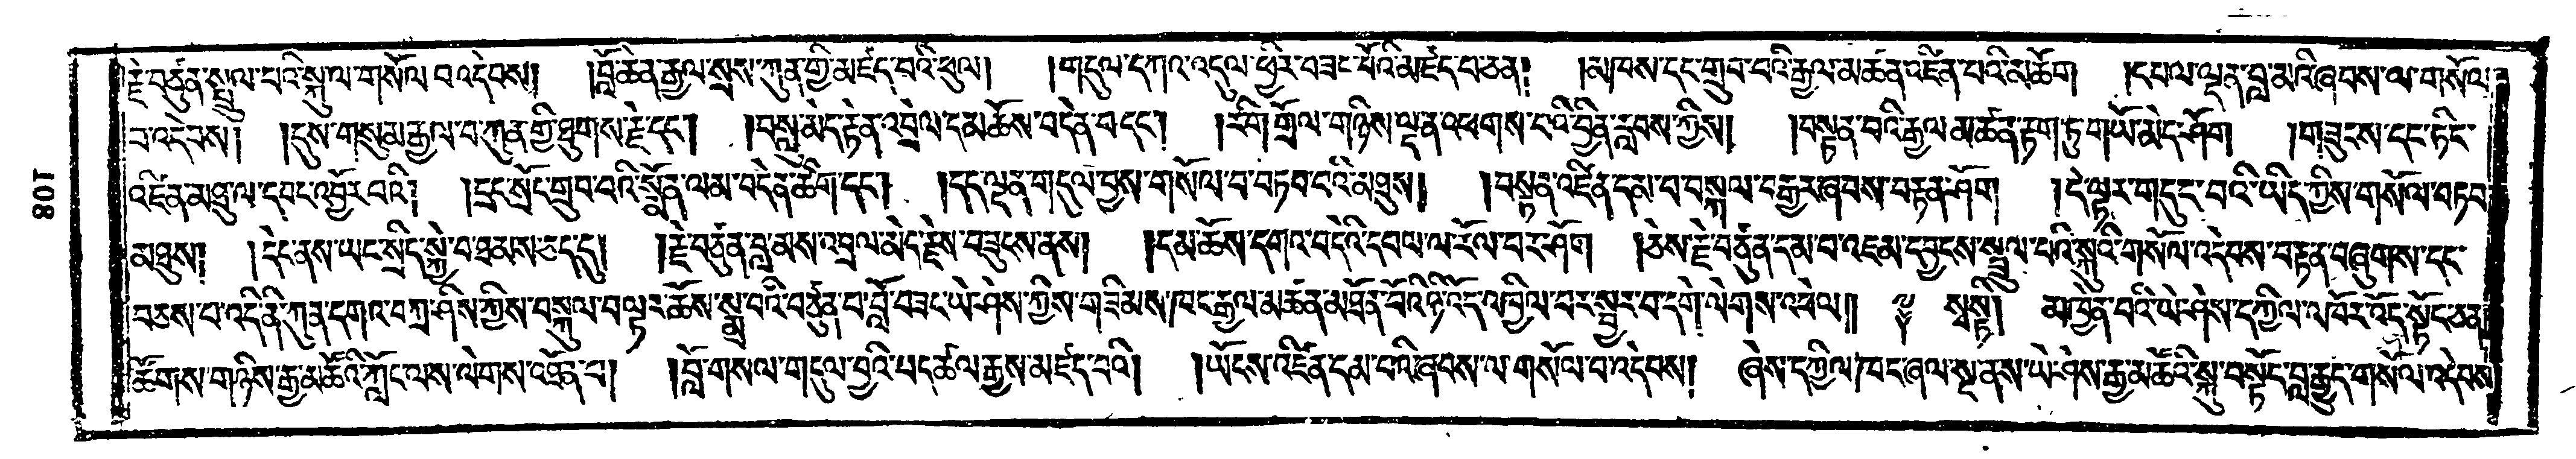རྗེ་བཙུན་སྤྲུལ་པའི་སྐུ་ལ་གསོལ་བ་འདེབས། །བློ་ཆེན་རྒྱལ་སྲས་ཀུན་གྱི་མཛད་བའི་ཕུལ། །གདུལ་དཀའ་འདུལ་ཕྱིར་བཟང་པོའི་མཛད་བ་ཅན། །མཁས་དང་གྲུབ་པའི་རྒྱལ་མཚན་འཛིན་པའི་མཆོག །དཔལ་ལྡན་བླ་མའི་ཞབས་ལ་གསོལ་
བ་འདེབས། །དུས་གསུམ་རྒྱལ་བ་ཀུན་གྱི་ཐུགས་རྗེ་དང་། །བསླུ་མེད་རྟེན་འབྲེལ་དམ་ཆོས་བདེན་བ་དང་། །རིག་གྲོལ་གཉིས་ལྡན་འཕགས་པའི་བྱིན་རླབས་ཀྱིས། །བསྟན་བའི་རྒྱལ་མཚན་རྟག་ཏུ་གཡོ་མེད་ཤོག །གཟུངས་དང་ཏིང་
འཛིན་མཐུ་ལ་དབང་འབྱོར་བའི། །དྲང་སྲོང་གྲུབ་བའི་སྨོན་ལམ་བདེན་ཚིག་དང་། །དད་ལྡན་གདུལ་བྱས་གསོལ་བ་བཏབ་བའི་མཐུས། །བསྟན་འཛིན་དམ་པ་བསྐལ་བརྒྱར་ཞབས་བརྟན་ཤོག །དེ་ལྟར་གདུང་བའི་ཡིད་ཀྱིས་གསོལ་བཏབ་
མཐུས། །དེང་ནས་ཡང་སྲིད་སྐྱེ་བ་ཐམས་ཅད་དུ། །རྗེ་བཙུན་བླ་མས་འབྲལ་མེད་རྗེས་བཟུངས་ནས། །དམ་ཆོས་དགའ་བ་དེའི་དཔལ་ལ་རོལ་པར་ཤོག །ཅེས་རྗེ་བཙུན་དམ་བ་འཇམ་དབྱངས་སྤྲུལ་པའི་སྐུའི་གསོལ་འདེབས་བརྟན་བཞུགས་དང་
བཅས་པ་འདི་ནི་ཀུན་དགའ་བཀྲ་ཤིས་ཀྱིས་བསྐུལ་བལྟར་ཆོས་སྨྲ་བའི་བཙུན་པ་བློ་བཟང་ཡེ་ཤེས་ཀྱིས་གཟིམས་ཁང་རྒྱལ་མཚན་མཐོན་པོའི་ཉི་འོད་འཁྱིལ་བར་སྦྱར་བ་དགེ་ལེགས་འཕེལ།། ༈ སྭསྟི། མཁྱེན་བའི་ཡེ་ཤེས་དཀྱིལ་འཁོར་འོད་སྟོང་ཅན་
ཚོགས་གཉིས་རྒྱ་མཚོའི་ཀློང་ལས་ལེགས་འཐོན་པ། །བློ་གསལ་གདུལ་བྱའི་པད་ཚལ་རྒྱས་མཛད་པའི། །ཡོངས་འཛིན་དམ་པའི་ཞབས་ལ་གསོལ་བ་འདེབས། ཞེས་དཀྱིལ་ཁང་ཞལ་སྔ་ནས་ཡེ་ཤེས་རྒྱ་མཚོའི་སྐུ་བསྟོང་བླ་རྒྱུད་གསོལ་འདེབས་